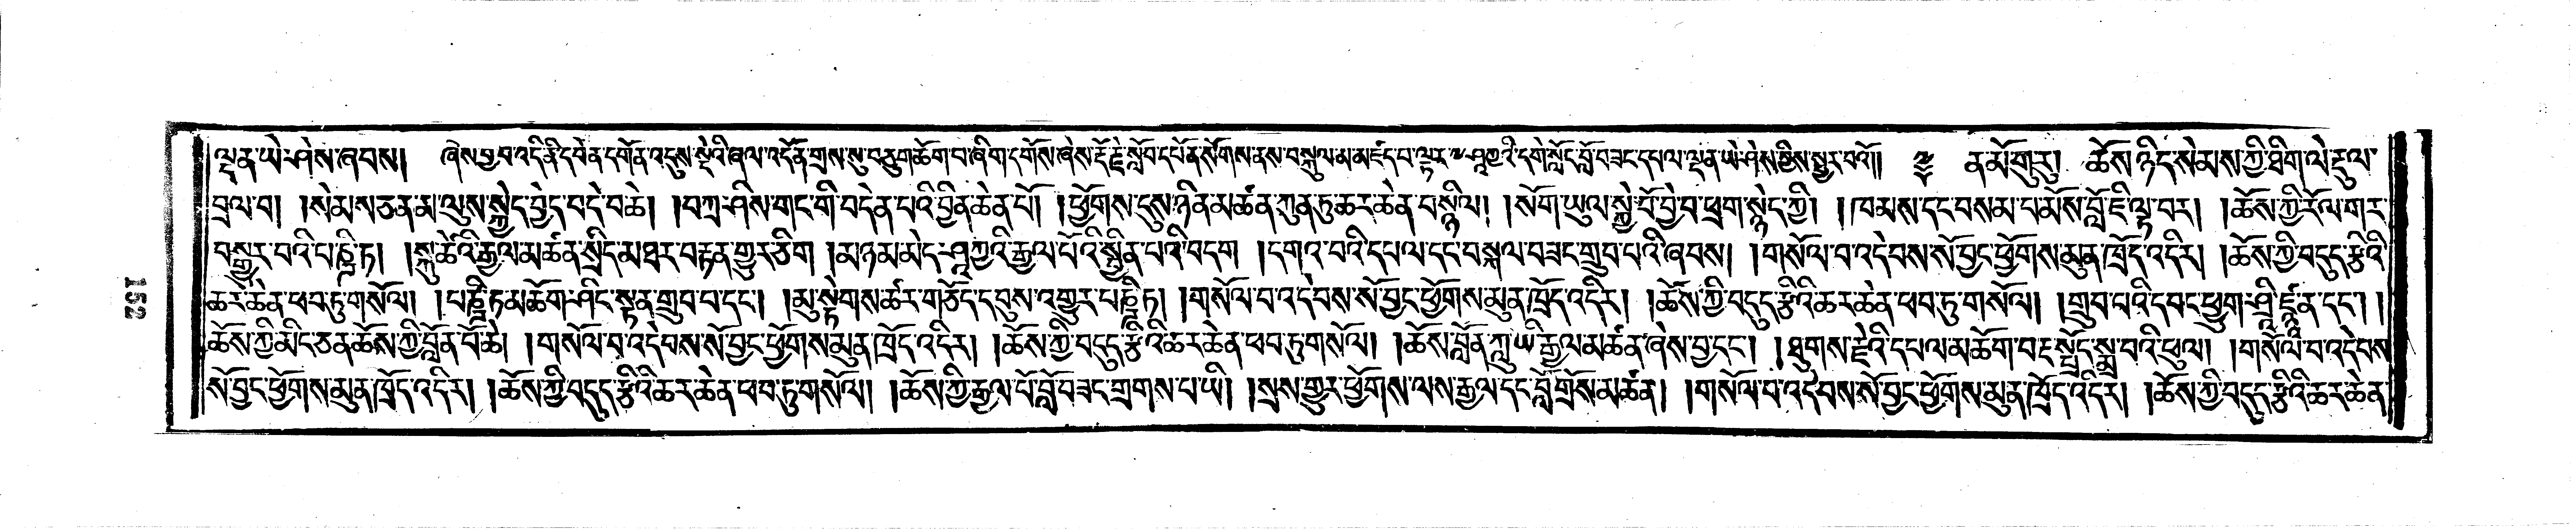ལྡན་ཡེ་ཤེས་ཞབས། ཞེས་བྱ་བ་འདི་ནི་དབེན་དགོན་འདུས་སྡེའི་ཞལ་འདོན་གྲས་སུ་བཅུག་ཆོག་བ་ཞིག་དགོས་ཞེས་རྡོ་རྗེ་སློབ་དཔོན་སོགས་ནས་བསྐུལ་མ་མཛད་པ་ལྟར་༧་ཤཱཀྱའི་དགེ་སློང་བློ་བཟང་དཔལ་ལྡན་ཡེ་ཤེས་ཀྱིས་སྦྱར་བའོ།། ༈ ན་མོ་གུ་རུ། ཆོས་ཉིད་སེམས་ཀྱི་ཐིག་ལེ་རྡུལ་
བྲལ་བ། །སེམས་ཅན་མ་ལུས་སྐྱེད་བྱེད་བདེ་བ་ཆེ། །བཀྲ་ཤིས་གང་གི་བདེན་པའི་བྱིན་ཆེན་པོ། །ཕྱོགས་དུས་ཉིན་མཚན་ཀུན་ཏུ་ཆར་ཆེན་བསྙིལ། །སོག་ཡུལ་སྐྱེ་བོ་བྱེ་བ་ཕྲག་སྙེད་ཀྱི། །ཁམས་དང་བསམ་པ་མོས་བློ་ཇི་ལྟ་བར། །ཆོས་ཀྱི་རོལ་གར་
བསྒྱུར་བའི་པཎྜི་ཏ། །སྐུ་ཚེའི་རྒྱལ་མཚན་སྲིད་མཐར་བརྟན་གྱུར་ཅིག །མཉམ་མེད་ཤཱཀྱའི་རྒྱལ་པོའི་སྦྱིན་པའི་བདག །དགའ་བའི་དཔལ་དང་བསྐལ་བཟང་གྲུབ་པའི་ཞབས། །གསོལ་བ་འདེབས་སོ་བྱང་ཕྱོགས་མུན་ཁྲོད་འདིར། །ཆོས་ཀྱི་བདུད་རྩིའི་
ཆར་ཆེན་ཕབ་ཏུ་གསོལ། །པཎྜི་ཏ་མཆོག་ཤིང་སྟན་གྲུབ་པ་དང་། །མུ་སྟེགས་ཚར་གཅོད་དབུས་འགྱུར་པཎྜི་ཏ། །གསོལ་བ་འདེབས་སོ་བྱང་ཕྱོགས་མུན་ཁྲོད་འདིར། །ཆོས་ཀྱི་བདུད་རྩིའི་ཆར་ཆེན་ཕབ་ཏུ་གསོལ། །གྲུབ་པའི་དབང་ཕྱུག་ཤྲའི་ཛྙཱ་ན་དང་། །
ཆོས་ཀྱི་མིང་ཅན་ཆོས་ཀྱི་བློན་པོ་ཆེ། །གསོལ་བ་འདེབས་སོ་བྱང་ཕྱོགས་མུན་ཁྲོད་འདིར། །ཆོས་ཀྱི་བདུད་རྩིའི་ཆར་ཆེན་ཕབ་ཏུ་གསོལ། །ཆོས་བློན་ཀླུ་ཡི་རྒྱལ་མཚན་ཞེས་བྱ་དང་། །ཐུགས་རྗེའི་དཔལ་མཆོག་བརྡ་སྤྲོད་སྨྲ་བའི་ཕུལ། །གསོལ་བ་འདེབས་
སོ་བྱང་ཕྱོགས་མུན་ཁྲོད་འདིར། །ཆོས་ཀྱི་བདུད་རྩིའི་ཆར་ཆེན་ཕབ་ཏུ་གསོལ། །ཆོས་ཀྱི་རྒྱལ་པོ་བློ་བཟང་གྲགས་པ་ཡི། །སྲས་གྱུར་ཕྱོགས་ལས་རྒྱལ་དང་བློ་གྲོས་མཚན། །གསོལ་བ་འདེབས་སོ་བྱང་ཕྱོགས་མུན་ཁྲོད་འདིར། །ཆོས་ཀྱི་བདུད་རྩིའི་ཆར་ཆེན་